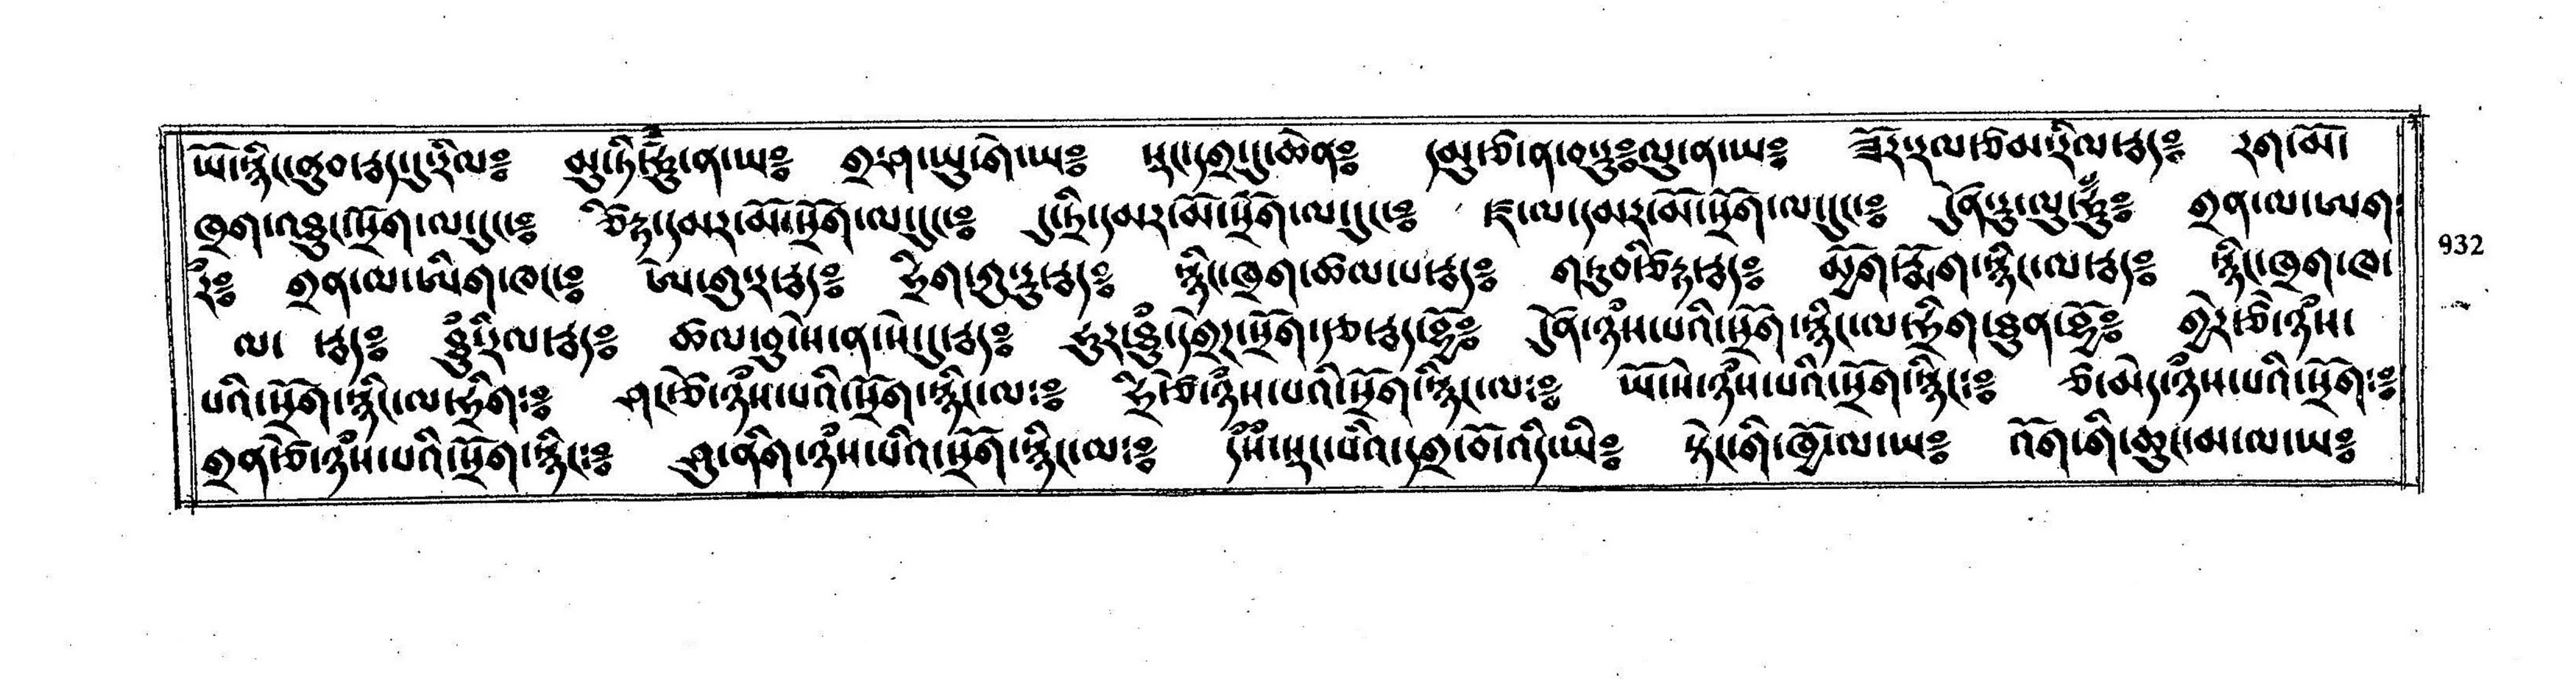ཡོ་སྙིང་ནུབ་རྦད་དུ་རིལ༔ མུ་ཏི་ཧཱུྃ་ན་ཡ༔ གྲ་ཤ་ཡུ་གེ་ཡ༔ སྡང་དགྲ་དུ་ཆེན༔ དམུ་ཙ་ན་བ་རུ༔ ལུ་ན་ཡ༔ ཟོར་རལ་ཙམ་རིལ་རྦད༔ རག་མོ་
ཁྲག་འཐུང་སྲོག་ལ་དུང་༔ ཙིཏྟ་དམར་མོ་སྲོག་ལ་དུང་༔ དུ་ཏྲི་དམར་མོ་སྲོག་ལ་དུང་༔ ཛ་ལ་དམར་མོ་སྲོག་ལ་དུང་༔ དུན་ཙེ་རུ་ལུ་ཧཱུྃ༔ གྲན་ལ་ཨག་
རཾ༔ གྲན་ལ་ཨིག་ཁང་༔ ཨེ་གུ་ར་རྦད༔ ཧྲིག་ཀུ་རུ་རྦད༔ སྙིང་ཁྲག་ཚལ་པ་རྦད༔ གཏུབ་ཙིཏྟ་རྦད༔ མྱོག་རྨོག་སྙིང་ལ་རྦད༔ སྙིང་ཁྲག་ཁ་
ལ་རྦད༔ ཐུཾ་རིལ་རྦད༔ ཚལ་བུ་སེ་ན་སེ་དུ་རྦད༔ ཧུར་ཐུཾ་དགྲ་བགེགས་སྲོག་རྩ་རྦད་བྷྱོ༔ དུན་ཙེ་ཉམས་པའི་སྲོག་སྙིང་ལ་ཧྲིག་ཐུན་བྷྱོ༔ གྱེར་ཙེ་ཉམས་
པའི་སྲོག་སྙིང་ལ་ཧྲིག༴༔ ཤང་ཙེ་ཉམས་པའི་སྲོག་སྙིང་ལ༴༔ ཧྲི་ཙེ་ཉམས་པའི་སྲོག་སྙིང་ལ༴༔ ཡོ་སེ་ཉམས་པའི་སྲོག་སྙིང་༴༔ ཙ་མེད་ཉམས་པའི་སྲོག༴༔ 
གྲན་ཙེ་ཉམས་པའི་སྲོག་སྙིང་༴༔ ཤུ་ནིག་ཉམས་པའི་སྲོག་སྙིང་ལ༴༔ དམ་རྫས་སྡང་པའི་དགྲ་བོ་འདི་ཡི༔ སྟེང་གི་ཁྱོ་ལ་ཡ༔ འོག་གི་ཆུང་མ་ལ་ཡ༔